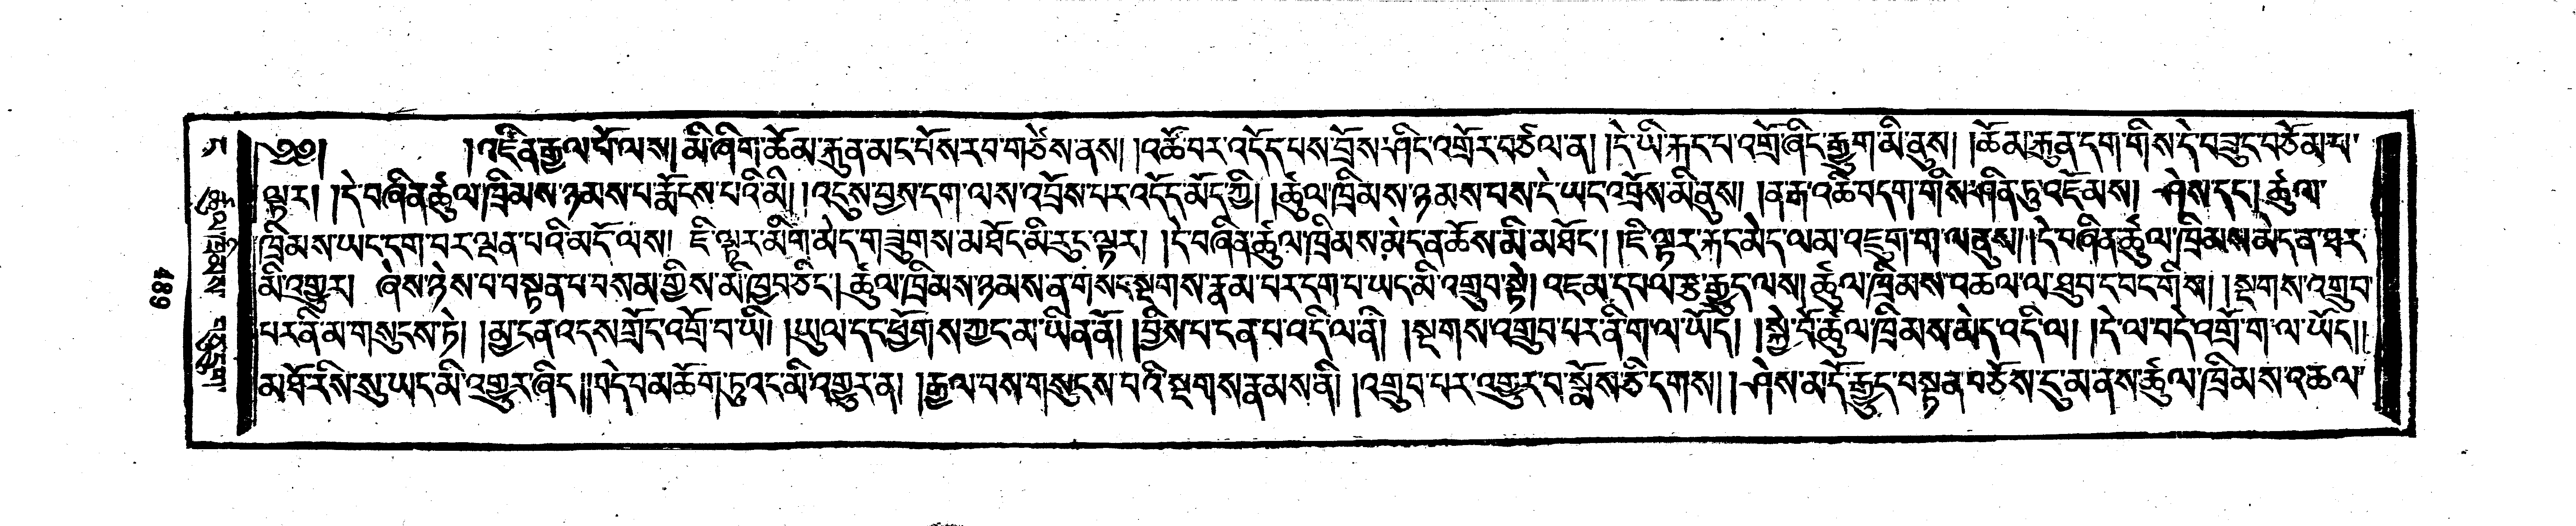༄༅། །འཛིན་རྒྱལ་པོ་ལས། མི་ཞིག་ཆོམ་རྐུན་མང་པོས་རབ་གཙེས་ནས། །འཚོ་བར་འདོད་པས་བྲོས་ཤིང་འགྲོར་བཙལ་ན། །དེ་ཡི་རྐང་པ་འགྲོ་ཞིང་རྒྱུག་མི་ནུས། །ཆོམ་རྐུན་དག་གིས་དེ་བཟུང་བཅོམ་པ་
ལྟར༑ ༑དེ་བཞིན་ཚུལ་ཁྲིམས་ཉམས་པ་རྨོངས་པའི་མི། །འདུས་བྱས་དག་ལས་འབྲོས་པར་འདོད་མོད་ཀྱི། །ཚུལ་ཁྲིམས་ཉམས་པས་དེ་ཡང་འབྲོས་མི་ནུས། །ན་རྒ་འཆི་བ་དག་གིས་ཤིན་ཏུ་འཇོམས། ཤེས་དང་། ཚུལ་
ཁྲིམས་ཡང་དག་པར་ལྡན་པའི་མདོ་ལས། ཇི་ལྟར་མིག་མེད་གཟུགས་མཐོང་མི་རུང་ལྟར། །དེ་བཞིན་ཚུལ་ཁྲིམས་མེད་ན་ཆོས་མི་མཐོང་། །ཇི་ལྟར་རྐང་མེད་ལམ་འཇུག་ག་ལ་ནུས། །དེ་བཞིན་ཚུལ་ཁྲིམས་མེད་ན་ཐར་
མི་འགྱུར། ཞེས་ཉེས་པ་བསྟན་པ་བསམ་གྱིས་མི་ཁྱབ་ཅིང་། ཚུལ་ཁྲིམས་ཉམས་ན་གསང་སྔགས་རྣམ་པར་དག་པ་ཡང་མི་འགྲུབ་སྟེ། འཇམ་དཔལ་རྩ་རྒྱུད་ལས། ཚུལ་ཁྲིམས་འཆལ་ལ་ཐུབ་དབང་གིས། །སྔགས་འགྲུབ་
པར་ནི་མ་གསུངས་ཏེ། །མྱ་ངན་འདས་གྲོང་འགྲོ་བ་ཡི། །ཡུལ་དང་ཕྱོགས་ཀྱང་མ་ཡིན་ནོ། །བྱིས་པ་ངན་པ་འདི་ལ་ནི། །སྔགས་འགྲུབ་པར་ནི་ག་ལ་ཡོད། །སྐྱེ་བོ་ཚུལ་ཁྲིམས་མེད་འདི་ལ། །དེ་ལ་བདེ་འགྲོ་ག་ལ་ཡོད།།
མཐོ་རིས་སུ་ཡང་མི་འགྱུར་ཞིང་། །བདེ་བ་མཆོག་ཏུའང་མི་འགྱུར་ན། །རྒྱལ་བས་གསུངས་པའི་སྔགས་རྣམས་ནི། །འགྲུབ་པར་འགྱུར་བ་སྨོས་ཅི་དགོས། །ཤེས་མདོ་རྒྱུད་བསྟན་བཅོས་དུ་མ་ནས་ཚུལ་ཁྲིམས་འཆལ་